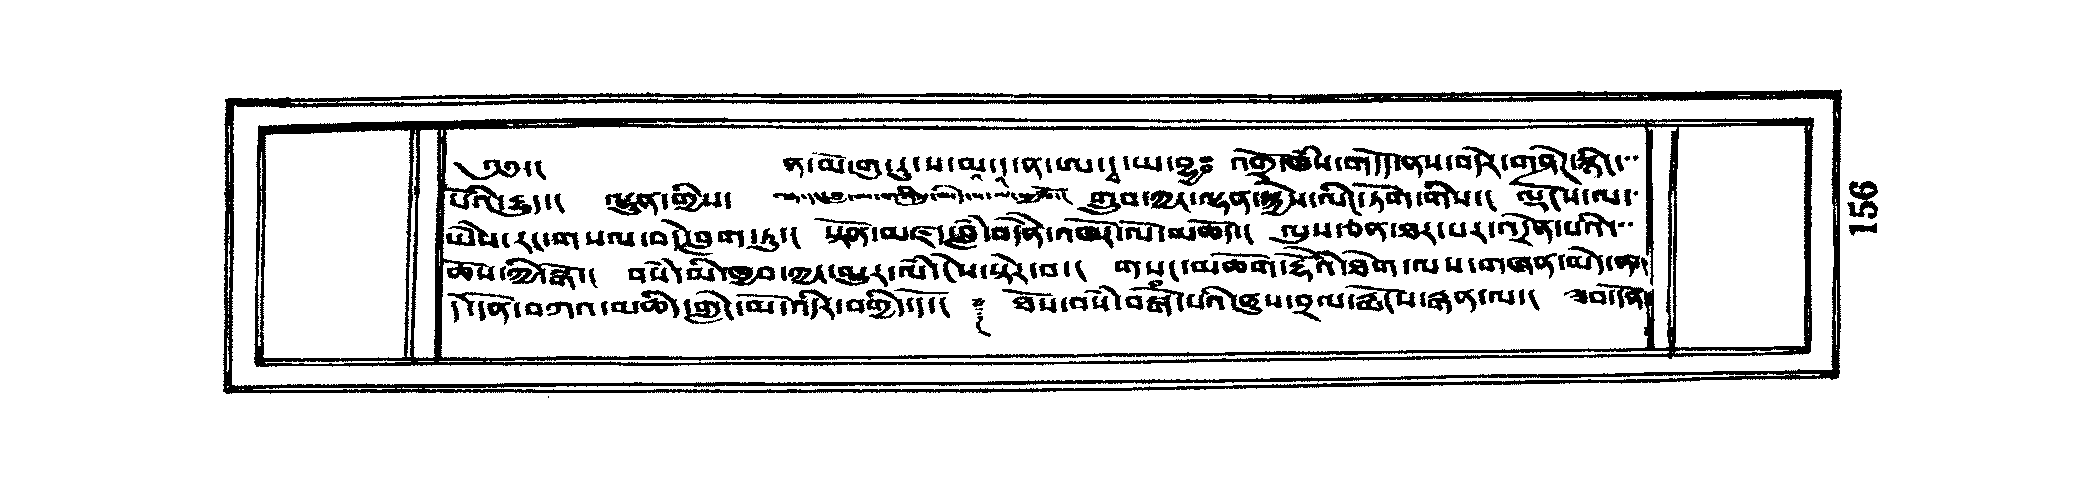༄༅། ནོ་མོ་གུ་རུ་ས་མཱ་དཱ་ན་ཨ་དྭ་ཡ་བྷྱཿ{ ལྷ་དང་བླ་མ་གཉིས་སུ་མེད་པ་ལ་ཕྱག་འཚལ་ལོ། } འགྲོ་ཁམས་གདོད་ནས་བདེ་གཤེགས་སྙིང་
པོའི་རྒྱུད། །ལྷུན་གྱིས་གྲུབ་ཀྱང་ལྷན་སྐྱེས་ལིང་ཏོག་གིས། །ལྡོངས་ལ་
ཡེ་ཤེས་རང་གསལ་བདེ་བླག་ཏུ། །སྟོན་མཛད་བླ་མ་བདེ་ཆེན་འཁོར་ལོ་མཆོད། །ལུས་ཅན་ཐར་པར་འདྲེན་པའི་
ཆོས་ཀྱི་སྒོ། །བསམ་མི་ཁྱབ་ཀྱང་མྱུར་ལམ་ངེས་སྟེར་བ། །གསང་མཆོག་རྡོ་རྗེའི་ཐེག་ལས་གཞན་མེད་ན། །
དེ་དོན་བཀའ་མཆིད་གླེང་མོ་འདིར་བགྱིད་དོ། །ཐོས་བསམ་སྒོམ་པའི་ནུས་བྲལ་རྨོངས་རྒན་ལ། །ཟབ་དོན་